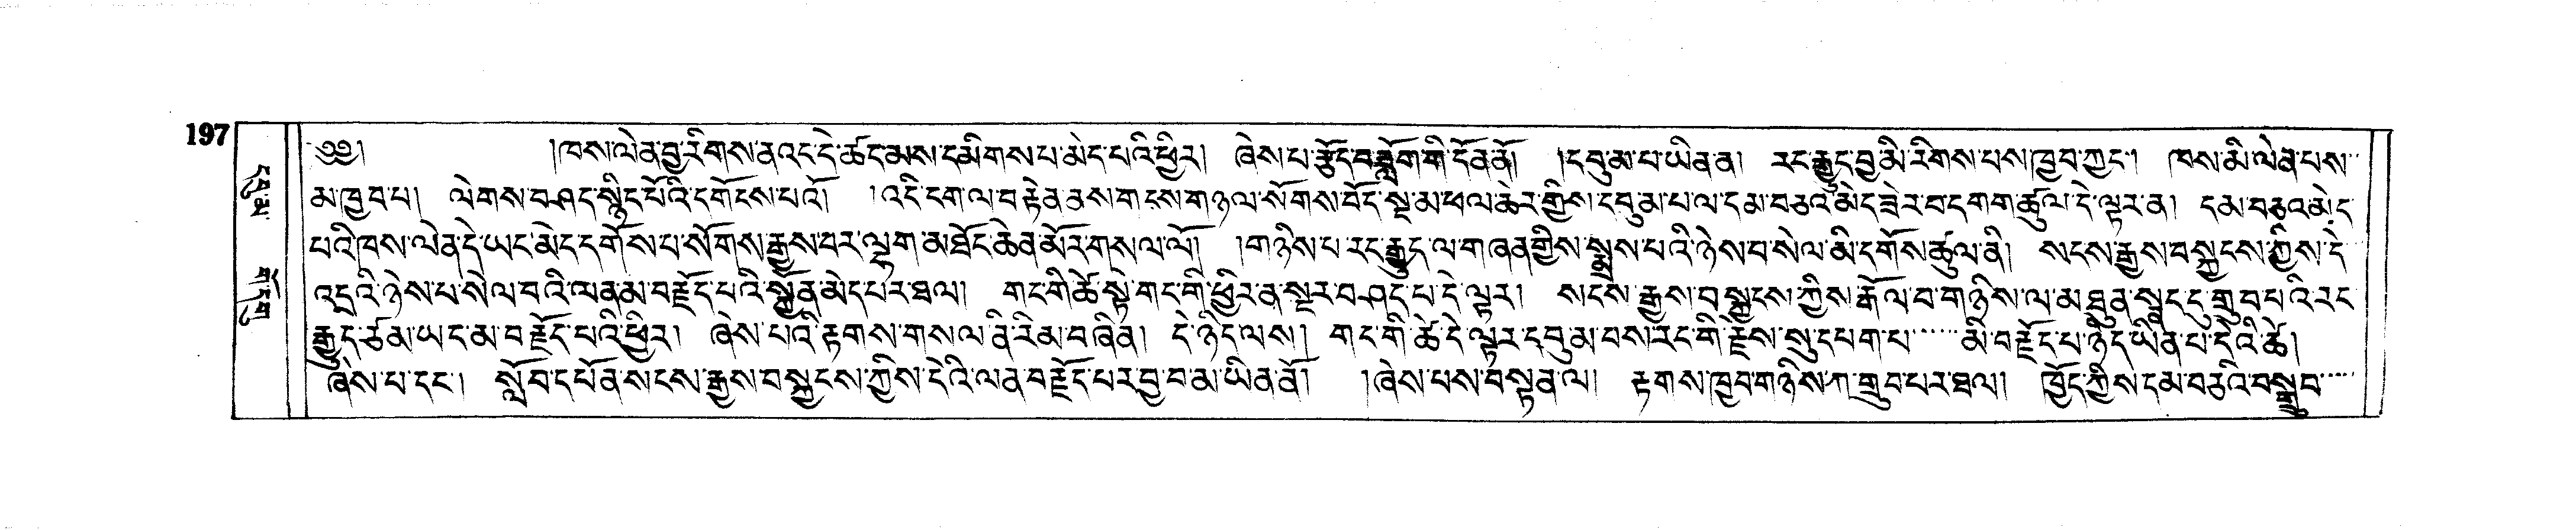༄༅། །ཁས་ལེན་བྱ་རིགས་ནའང་དེ་ཚད་མས་དམིགས་པ་མེད་པའི་ཕྱིར། ཞེས་པ་རྩོད་བཟློག་གི་དོན་ནོ། །དབུ་མ་པ་ཡིན་ན། རང་རྒྱུད་བྱ་མི་རིགས་པས་ཁྱབ་ཀྱང་། ཁས་མི་ལེན་པས་
མ་ཁྱབ་པ། ལེགས་བཤད་སྙིང་པོའི་དགོངས་པའོ། །འདི་དག་ལ་བརྟེན་ནས་གངས་གཉལ་སོགས་བོད་སྔ་མ་ཕལ་ཆེར་གྱིས་དབུ་མ་པ་ལ་དམ་བཅའ་མེད་ཟེར་བ་དགག་ཚུལ་དེ་ལྟར་ན། དམ་བཅའ་མེད་
པའི་ཁས་ལེན་དེ་ཡང་མེད་དགོས་པ་སོགས་རྒྱས་པར་ལྷག་མཐོང་ཆེན་མོར་གསལ་ལོ། །གཉིས་པ་རང་རྒྱུད་ལ་གཞན་གྱིས་སྨྲས་པའི་ཉེས་པ་སེལ་མི་དགོས་ཚུལ་ནི། སངས་རྒྱས་བསྐྱངས་ཀྱིས་དེ་
འདྲའི་ཉེས་པ་སེལ་བའི་ལན་མ་བརྗོད་པའི་སྐྱོན་མེད་པར་ཐལ། གང་གི་ཚེ་སྟེ་གང་གི་ཕྱིར་ན་སྔར་བཤད་པ་དེ་ལྟར། སངས་རྒྱས་བསྐྱངས་ཀྱིས་རྒོལ་བ་གཉིས་ལ་མཐུན་སྣང་དུ་གྲུབ་པའི་རང་
རྒྱུད་ཙམ་ཡང་མ་བརྗོད་པའི་ཕྱིར། ཞེས་པའི་རྟགས་གསལ་ནི་རིམ་བཞིན། དེ་ཉིད་ལས། གང་གི་ཚེ་དེ་ལྟར་དབུ་མ་བས་རང་གི་རྗེས་སུ་དཔག་པ་མི་བརྗོད་པ་ཉིད་ཡིན་པ་དེའི་ཚེ།
ཞེས་པ་དང་། སློབ་དཔོན་སངས་རྒྱས་བསྐྱངས་ཀྱིས་དེའི་ལན་བརྗོད་པར་བྱ་བ་མ་ཡིན་ནོ། །ཞེས་པས་བསྟན་ལ། རྟགས་ཁྱབ་གཉིས་ཀ་གྲུབ་པར་ཐལ། ཁྱོད་ཀྱིས་དམ་བཅའི་བསྒྲུབ་